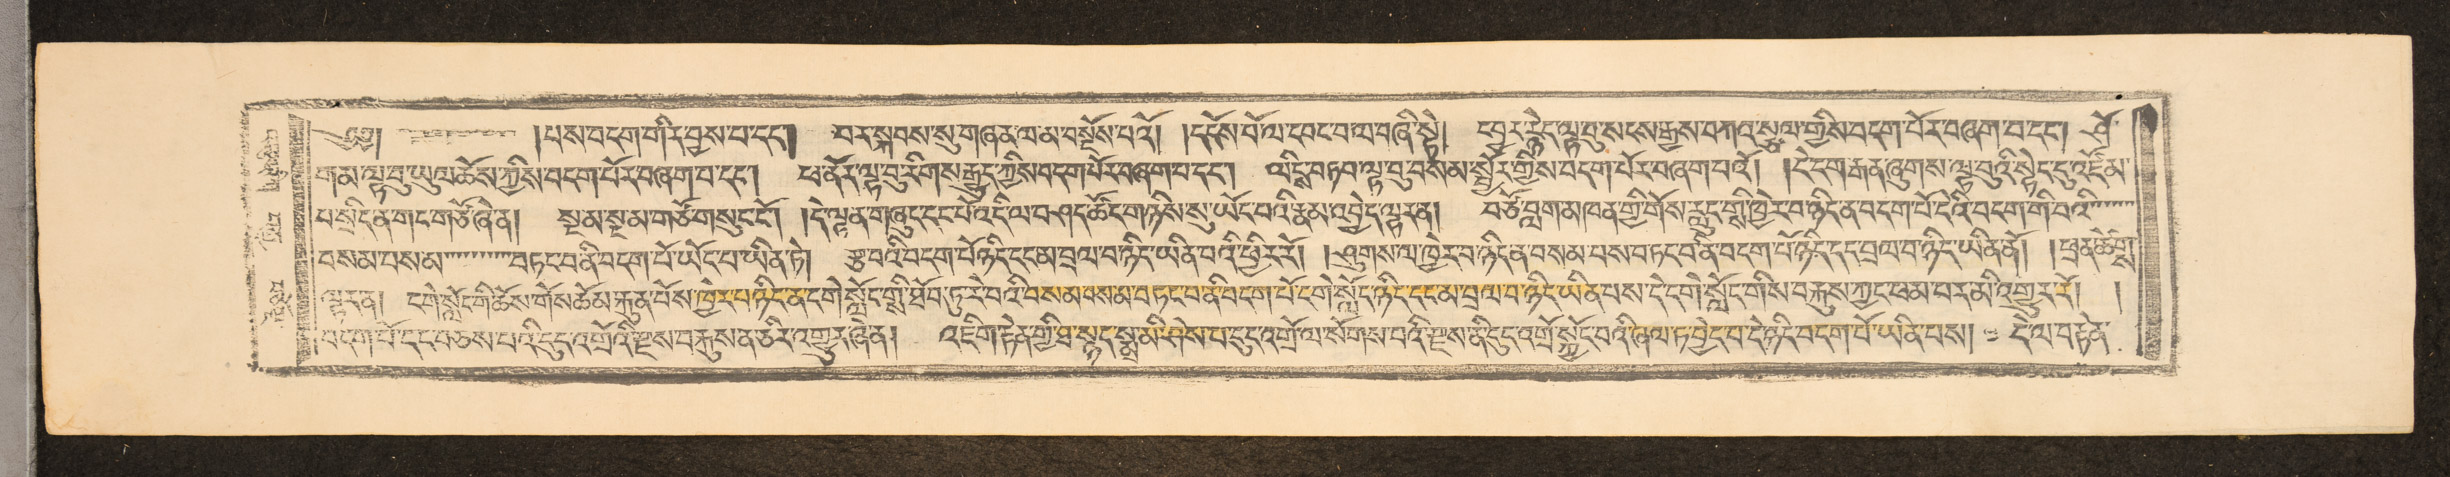༄༅། །པས་བདག་གིར་བྱས་པ་དང་། བར་སྐབས་སུ་གཞན་ལ་མ་བསྔོས་པའོ། །དངོས་པོ་ལ་དབང་བ་ལ་བཞི་སྟེ། དབྱར་རྙེད་ལྟ་བུ་སངས་རྒྱས་བཀའ་སྩལ་གྱིས་བདག་པོར་བཞག་པ་དང་། ཤོ་
ག་མ་ལྟ་བུ་ཡུལ་ཆོས་ཀྱིས་བདག་པོར་བཞག་པ་དང་། ཕ་ནོར་ལྟ་བུ་རིགས་རྒྱུད་ཀྱིས་བདག་པོར་བཞག་པ་དང་། ལིངས་བཏབ་ལྟ་བུ་བསམ་སྦྱོར་གྱིས་བདག་པོར་བཞག་པའོ། །དེ་དག་རྒན་ཞུགས་ལྟ་བུའི་སྟེང་དུ་འཛོམ་
པ་སྲིད་ན་གང་གཙོ་ཞེ་ན། སྔམ་སྔམ་གཙོ་གསུང་ངོ། །དེ་ལྟན་གཞུང་དང་པོ་འདི་ལ་བཤད་ཚོད་གཉིས་སུ་ཡོད་པའི་རྣམ་འབྱེད་ལྟར་ན། བཙོ་བླག་མཁན་གྱི་གོས་རླུང་གིས་ཁྱེར་བ་ཉིད་ན་བདག་པོ་དེའི་བདག་གི་བའི་
བསམ་པས་མ་བཏང་བ་ནི་བདག་པོ་ཡོད་པ་ཡིན་ཏེ། རྩ་བའི་བདག་པོ་ཉིད་དང་མ་བྲལ་བ་ཉིད་ཡིན་བའི་ཕྱིར་རོ། །ཤུགས་ལ་ཁྱེར་བ་ཉིད་ན་བསམ་པས་བཏང་བ་ནི་བདག་པོ་ཉིད་དང་བྲལ་བ་ཉིད་ཡིན་ནོ། །ཕྲད་ཆོགས་
ལྟར་ན། དགེ་སློང་གི་ཆོས་གོས་ཆོམ་རྐུན་པོས་ཁྱེར་པ་ཉིད་ན་དགེ་སློང་གིས་ཐོབ་ཏུ་རེ་བའི་བསམ་བཏང་བ་ནི་བདག་པོ་དགེ་སློང་ཉིད་དང་མ་བྲལ་བ་ཉིད་ཡིན་པས་དེ་དགེ་སློང་གིས་བརྐུས་ཀྱང་ཕམ་པར་མི་འགྱུར་རོ། །
བདག་པོ་དང་བཅས་པའི་དུད་འགྲོའི་རྫས་བརྐུས་ན་ཅིར་འགྱུར་ཞེ་ན། འཇིག་རྟེན་གྱི་ཐ་སྙད་སྨྲ་མི་ཤེས་པ་ངུད་འགྲོ་ལ་སོགས་པའི་རྫས་ནི་དུད་འགྲོ་སྐྱོང་བའི་ཞལ་ཏ་བྱེད་པ་དེ་ཉིད་བདག་བོ་ཡིན་པས། དེ་ལ་བརྟེན་